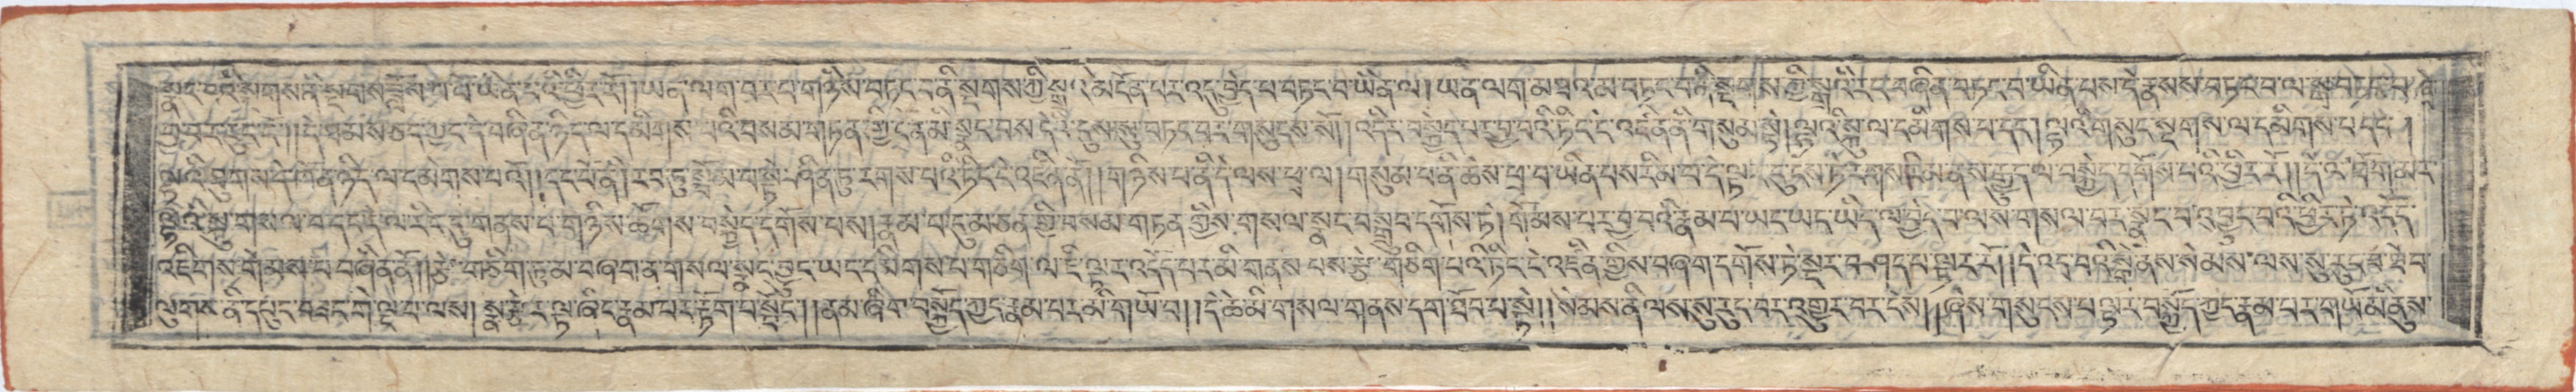སྣང་བའི་སྔགས་ནི་སྔགས་ཟློས་པ་པོ་ཡིན་པའི་ཕྱིར་རོ། །ཡན་ལག་བར་པ་གཉིས་བཏང་བ་ནི་སྔགས་ཀྱི་སྒྲའི་མངོན་པར་འདུ་བྱེད་པ་བཏང་བ་ཡིན་ལ། ཡན་ལག་མཐའ་མ་བཏང་བ་ནི་སྔགས་ཀྱི་སྒྲའི་རང་བཞིན་བཏང་བ་ཡིན་པས་དེ་རྣམས་བཏང་བ་ལ་སྒྲ་བཏང་བ་ཞེས་
བྱ་བར་རུང་ངོ། །དེ་ཐམས་ཅད་ཀྱང་དེ་བཞིན་ཉིད་ལ་དམིགས་པའི་བསམ་གཏན་གྱི་དོན་མི་སྣང་བས་དེའི་དུས་སུ་བཏང་བར་གསུངས་སོ། །འདིར་བསྐྱེད་པར་བྱ་བའི་ཏིང་ངེ་འཛིན་ནི་གསུམ་སྟེ། ལྷའི་སྐུ་ལ་དམིགས་པ་དང་། ལྷའི་གསུང་སྔགས་ལ་དམིགས་པ་དང་།
ལྷའི་ཐུགས་དེ་ཁོ་ན་ཉིད་ལ་དམིགས་པའོ། །དང་པོ་ནི། རབ་ཏུ་སྦོམ་པ་སྟེ་ཤིན་ཏུ་རགས་པའི་ཏིང་ངེ་འཛིན་ནོ། །གཉིས་པ་ནི་དེ་ལས་ཕྲ་ལ། གསུམ་པ་ནི་ཆེས་ཕྲ་བ་ཡིན་པས་རིམ་པ་དེ་ལྟར་དུ་ངེས་ཏེ་རགས་རིམ་ནས་རྒྱུད་ལ་བསྐྱེད་དགོས་པའི་ཕྱིར་རོ། །དེ་ལ་ཐོག་མར་
ལྷའི་སྐུ་གསལ་བ་དང་དེ་ལ་རིང་དུ་གནས་པ་གཉིས་ཚོགས་བསྐྱེད་དགོས་པས། རྣམ་པ་དུ་མ་ཅན་གྱི་བསམ་གཏན་གྱིས་གསལ་སྣང་བསྒྲུབ་དགོས་ཏེ། གོམས་པར་བྱ་བའི་རྣམ་པ་ཡང་ཡང་ཡིད་ལ་བྱེད་པ་ལས་གསལ་བར་སྣང་བ་འབྱུང་བའི་ཕྱིར་ཏེ་འདོད་
འཇིགས་གོམས་པ་བཞིན་ནོ། །རྩེ་གཅིག་ཏུ་མ་བཞག་ན་གསལ་སྣང་བྱུང་ཡང་དམིགས་པ་གཅིག་ལ་ཇི་ལྟར་འདོད་པར་མི་གནས་པས་རྩེ་གཅིག་པའི་ཏིང་ངེ་འཛིན་གྱིས་བཞག་དགོས་ཏེ་སྔར་བཤད་པ་ལྟར་རོ། །དེ་འདྲ་བའི་སྒོ་ནས་སེམས་ལས་སུ་རུང་བ་ཐོབ་
ལུགས་ནི་དཔུང་བཟང་གི་ལྔ་པ་ལས། སྣ་རྩེར་ལྟ་ཞིང་རྣམ་པར་རྟོག་པ་སྤོང་། །ནམ་ཞིག་བསྐྱོད་ཀྱང་རྣམ་པར་མི་གཡོ་བ། །དེ་ཆེ་མི་གསལ་གནས་དག་ཐོབ་པ་སྟེ། །སེམས་ནི་ལས་སུ་རུང་བར་འགྱུར་བར་ངེས། །ཞེས་གསུངས་པ་ལྟར་བསྐྱོད་ཀྱང་རྣམ་པར་གཡོ་མི་ནུས་